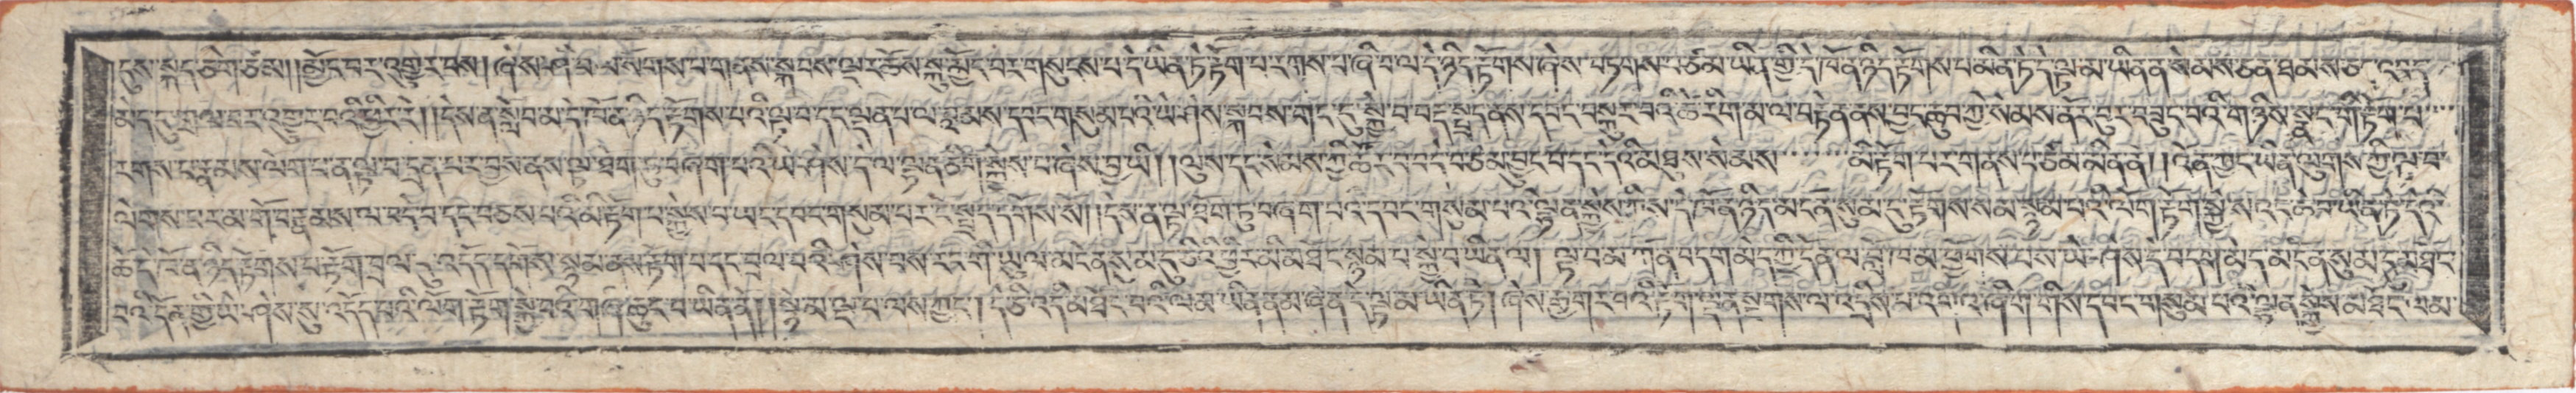དུས་སྐད་ཅིག་ཙམ། །མྱོང་བར་འགྱུར་བས། ཞེས་ཤི་བ་ལ་སོགས་པ་གནས་སྐབས་ལྔར་ཆོས་སྐུ་མྱོང་བར་གསུངས་པ་དེ་ཡིན་ཏེ་རྟོག་པ་རགས་པ་ཞི་བ་ལ་དེ་ཉིད་རྟོགས་ཞེས་བཏགས་པ་ཙམ་ཡིན་གྱི་དེ་ཁོ་ན་ཉིད་རྟོགས་པ་མིན་ཏེ་དེ་ལྟ་མ་ཡིན་ན་སེམས་ཅན་ཐམས་ཅད་འབད་
མེད་དུ་གྲོལ་བར་འགྱུར་བའི་ཕྱིར་རོ། །དེས་ན་སློབ་མ་དེ་ཁོ་ན་ཉིད་རྟོགས་པའི་ལྟ་བ་དང་ལྡན་པ་ལ་བླ་མས་དབང་གསུམ་པའི་ཡེ་ཤེས་སྐབས་གང་དུ་སྐྱེ་བ་བརྡ་སྤྲད་ནས་དབང་བསྐུར་བའི་ཚེ་རིག་མ་ལ་བརྟེན་ནས་བྱང་ཆུབ་ཀྱི་སེམས་ནོར་བུར་བཟུང་བའི་གཉིས་སྣང་གི་རྟོག་པ་
རགས་པ་རྣམས་ལོག་པ་ན་ལྟ་བ་དྲན་པར་བྱས་ནས་ལྟ་ཐོག་ཏུ་བཞག་པའི་ཡེ་ཤེས་དེ་ལ་ལྷན་ཅིག་སྐྱེས་པ་ཞེས་བྱ་ཡི། །ལུས་དང་སེམས་ཀྱི་ཚོར་བ་བདེ་བ་ཙམ་བྱུང་བ་དང་དེའི་མཐུས་སེམས་མི་རྟོག་པར་གནས་པ་ཙམ་མིན་ནོ། །འོན་ཀྱང་ཡིན་ལུགས་ཀྱི་ལྟ་བ་
ལེགས་པར་མ་གོ་བ་རྣམས་ལ་བདེ་བ་དང་བཅས་པའི་མི་རྟོག་པ་སྐྱེས་པ་ཡང་དབང་གསུམ་པར་ངོ་སྤྲད་དགོས་སོ། །དེས་ན་ལྟ་ཐོག་ཏུ་བཞག་པའི་དབང་གསུམ་པའི་ལྷན་སྐྱེས་ཀྱིས་དེ་ཁོ་ན་ཉིད་མངོན་སུམ་དུ་རྟོགས་སམ་སྙམ་པའི་ལོག་རྟོག་སྐྱེ་སའང་ཆེ་བ་ཡིན་ཏེ་དེའི་
ཚེ་དེ་ཁོ་ན་ཉིད་རྟོགས་པ་རྟོག་བྲལ་དུ་འདོད་དགོས་སྙམ་ནས་རྟོག་པ་དང་བྲལ་བའི་ཤེས་པས་རང་གི་ཡུལ་མངོན་སུམ་དུ་ཅིའི་ཕྱིར་མི་མཐོང་སྙམ་པ་སྐྱེ་བ་ཡིན་ལ། ལྟ་བ་མ་གོ་ན་བདག་མེད་ཀྱི་དོན་ལ་བློ་ཁ་མ་ཕྱོགས་པས་ཡེ་ཤེས་དེ་བདག་མེད་མངོན་སུམ་དུ་མཐོང་
བའི་དོན་གྱི་ཡེ་ཤེས་སུ་འདོད་པའི་ལོག་རྟོག་སྐྱེ་བའི་གཞི་ཆུང་བ་ཡིན་ནོ། །སྙེ་མ་ལྔ་པ་ལས་ཀྱང་། དེ་ཅི་འདི་མཐོང་བའི་ལམ་ཡིན་ནམ་ཞེ་ན་དེ་ལྟ་མ་ཡིན་ཏེ། ཞེས་རྒྱ་གར་བའི་རྟོག་ལྡན་སྔགས་ལ་འདྲིས་པ་འགའ་ཞིག་གིས་དབང་གསུམ་པའི་ལྷན་སྐྱེས་མཐོང་ལམ་